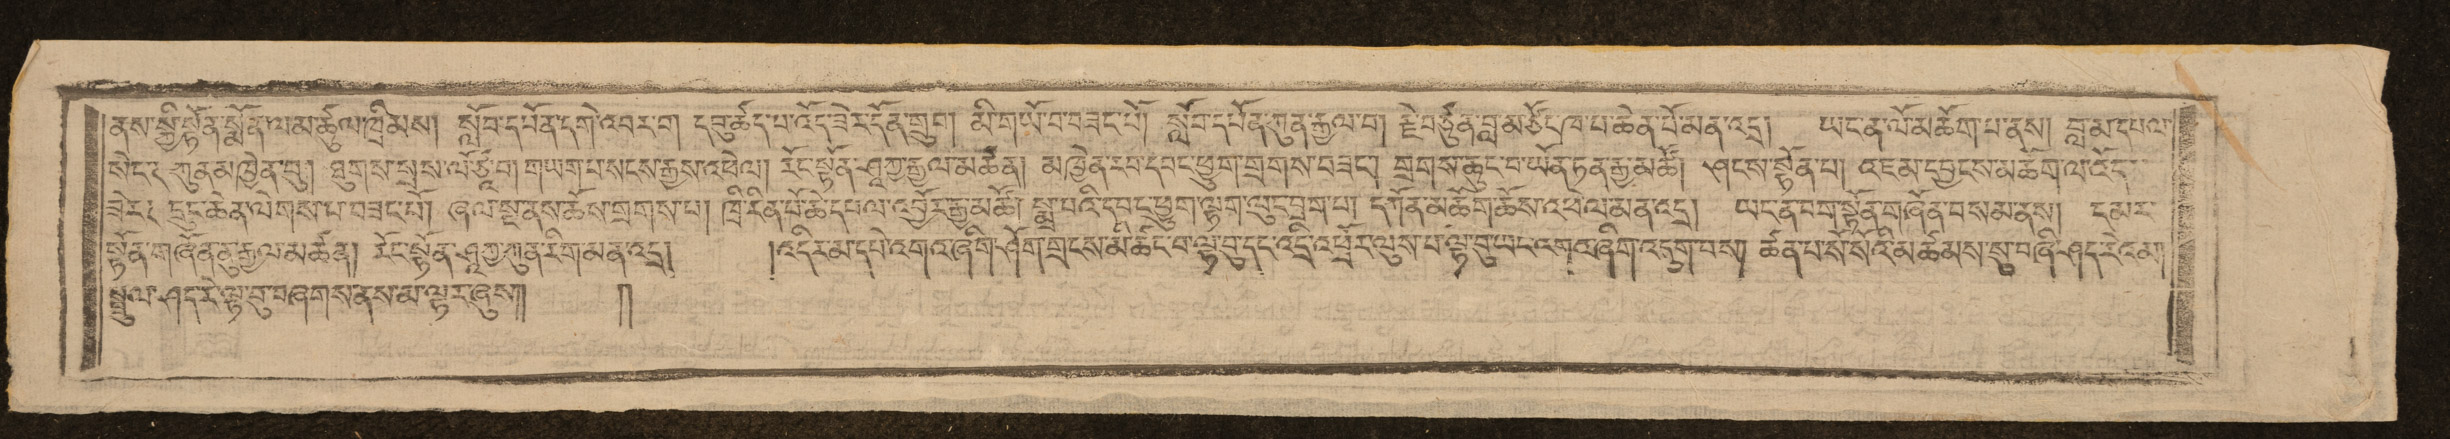ནས་སྐྱི་སྟོན་སྨོན་ལམ་ཚུལ་ཁྲིམས། སློབ་དཔོན་དགེ་འབར་བ། དབུ་ཚད་པ་འོད་ཟེར་དོན་གྲུབ། མི་གཡོ་བ་བཟང་པོ། སློབ་དཔོན་ཀུན་རྒྱལ་པ། རྗེ་བཙུན་བླ་མ་ཙོང་ཁ་པ་ཆེན་པོ་མན་འདྲ། ཡང་ན་ལོ་མཆོག་པ་ནས། བླ་མ་དཔལ་
སེང༑ ཀུན་མཁྱེན་བུ། ཐུགས་སྲས་ལོ་ཙཱ་བ། གཡག་པ་སངས་རྒྱས་འཕེལ། རོང་སྟོན་ཤཱཀྱ་རྒྱལ་མཚན། མཁྱེན་རབ་དབང་ཕྱུག་གྲགས་བཟང་། གྲགས་ཆུང་བ་ཡོན་ཏན་རྒྱ་མཚོ། ཤངས་སྟོན་པ། འཇམ་དབྱངས་མཆོག་ལ་འོད་
ཟེར༑ དྲུང་ཆེན་ལེགས་པ་བཟང་པོ། ཞལ་སྔ་ནས་ཆོས་གྲགས་པ། ཁྲི་རིན་པོ་ཆེ་དཔལ་འབྱོར་རྒྱ་མཚོ། སྨྲ་པའི་དབང་ཕྱུག་ལྟག་ལུང་བྲག་པ། དཀོན་མཆོག་ཆོས་འཕེལ་མན་འདྲ། ཡང་ན་བག་སྟོན་གཞོན་བསམ་ནས། དམར་
སྟོན་གཞོན་ནུ་རྒྱལ་མཚན། རོང་སྟོན་ཤཱཀྱ་ཀུན་རིག་མན་འདྲ། འདིར་མ་དཔེ་འགའ་ཞིག་ཤོག་གྲངས་མི་ཚང་བ་ལྟ་བུ་དང་འདྲི་འཕྲོར་ལུས་པ་ལྟ་བུ་ཡང་འགའ་ཞིག་འདུག་པས། ཚན་པ་སོ་སོའི་མཚམས་སུ་བཞི་ཤད་རེའམ།
སྤྲུལ་ཤད་རེ་ལྟ་བུ་བཞགས་ནས་མ་ལྟར་ཞུས།། །།